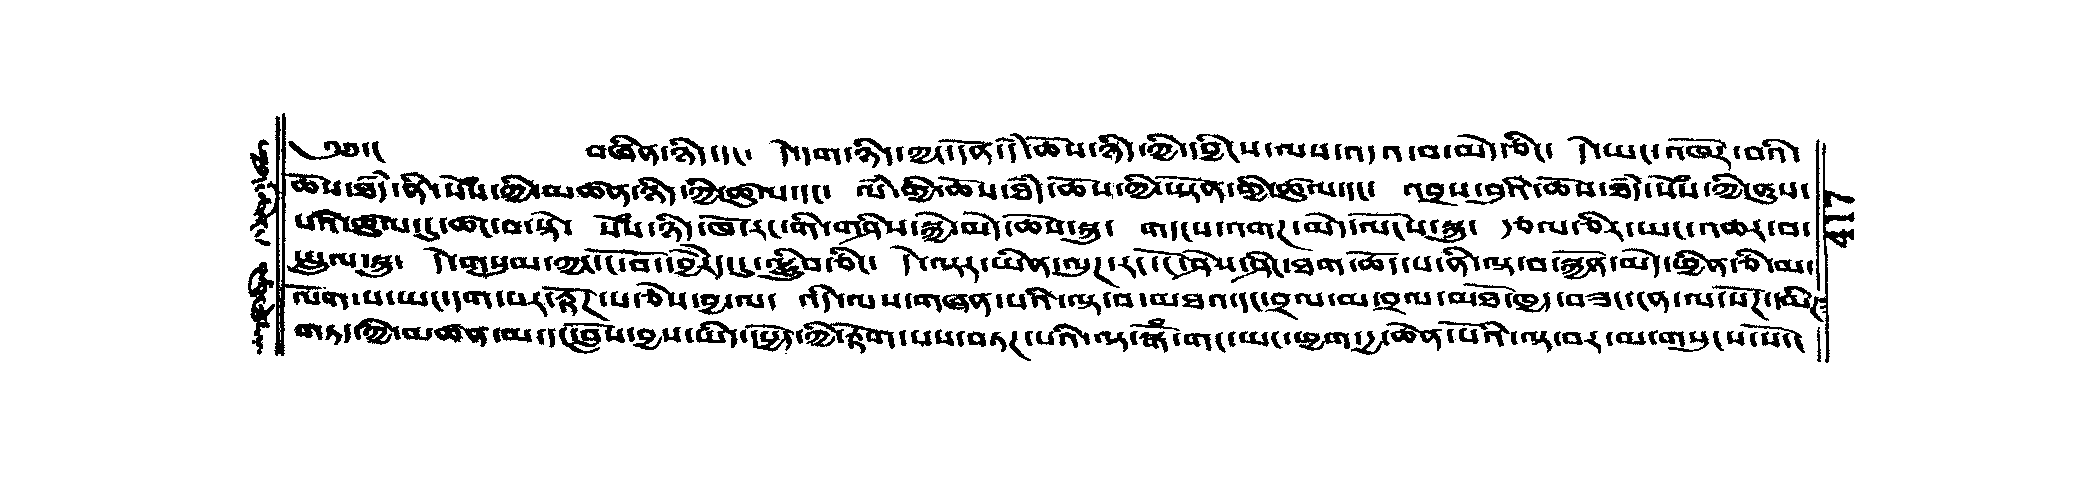བཞིན་ཉིད་དང་། དེ་དག་ཉིད་ཀྱང་དོན་དམ་ཆོས་ཉིད་ཀྱི་དབྱིངས་ལས་འདའ་བ་མེད་ཅིང་། དེ་ཡང་འཁོར་བའི་
ཆོས་ཐམས་ཅད་ནི་སེམས་ཀྱི་མཚན་ཉིད་ཀྱི་ཚུལ་དང་། ལམ་གྱི་ཆོས་ཐམས་ཅད་ཆོས་ཀྱི་ཡོན་ཏན་གྱི་ཚུལ་དང་། འབྲས་བུའི་ཆོས་ཐམས་ཅད་སེམས་ཀྱི་ནུས་
པའི་ཚུལ་དུ་ཚང་བ་སྟེ། སེམས་ཉིད་ཁོ་རང་གི་གཤིས་སྐྱེ་མེད་ཆོས་སྐུ། གདངས་འགགས་མེད་ལོངས་སྐུ། རྩལ་ཅིར་ཡང་འཆར་བ་
སྤྲུལ་སྐུ། དེ་གསུམ་ཡང་ངོ་བོ་དབྱེར་མེད་དུ་ལྷུན་གྱིས་གྲུབ་ཅིང་། དེ་ལྟར་ཡིན་ལུགས་རང་ངོ་ཤེས་ཤིང་ཐག་ཆོད་པ་ནི་ལྟ་བ་སྐྱོན་མེད་ཕྱིན་ཅི་མ་
ལོག་པ་ཡང་དག་པར་རྟོགས་པ་ཞེས་བྱ་ལ། འདི་ལས་གཞན་པའི་ལྟ་བ་མཐའ་དང་བྲལ་མ་བྲལ་མཐོ་ཁྱད་བཟང་ངན་ལ་སོགས་དམིགས་
གཏད་ཀྱི་མཚན་མ་དང་བློས་བྱས་ཡིད་དཔྱོད་ཀྱི་རྟོག་པས་བཏགས་པའི་ལྟ་སྒོམ་གང་ཡང་ཕྱག་རྒྱ་ཆེན་པོའི་ལྟ་བར་མ་གསུངས་སོ།།